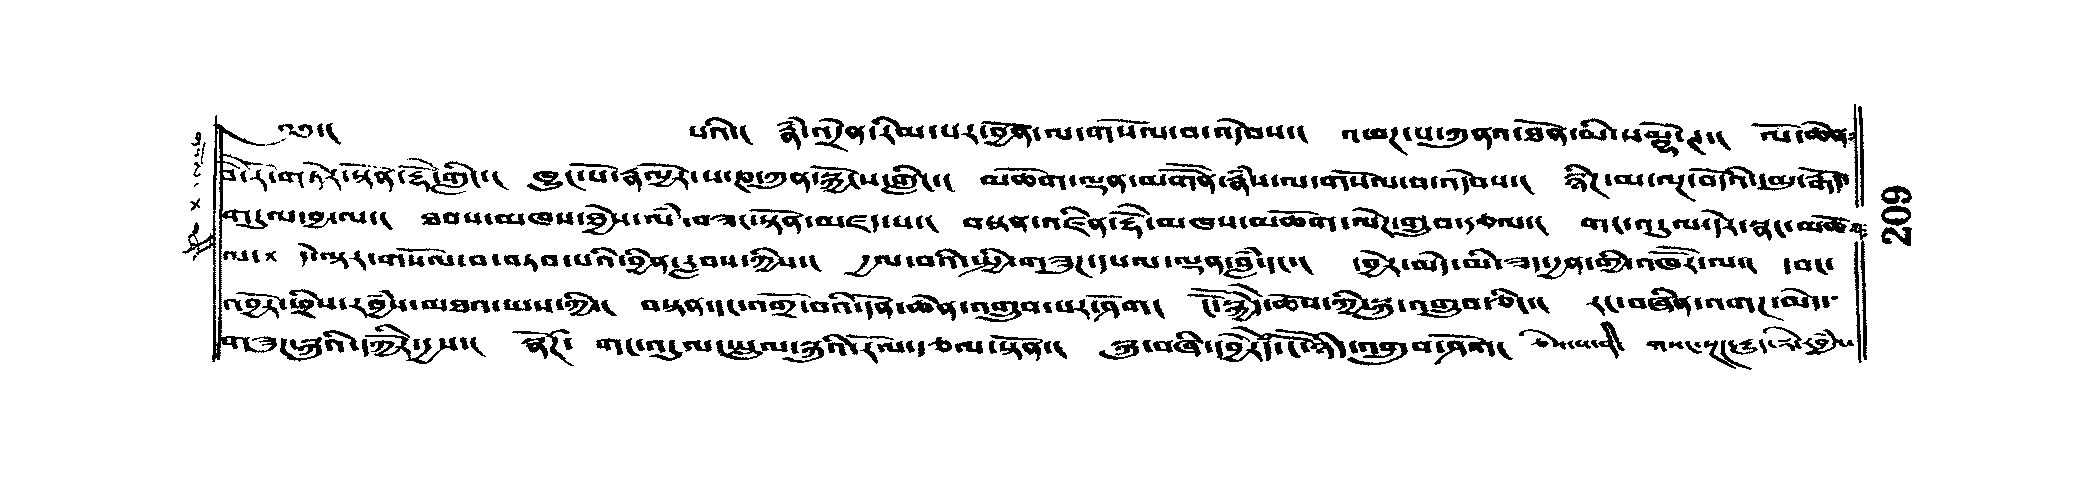པའི། །རྣམ་འདྲེན་རིམ་པར་བྱོན་ལ་གསོལ་བ་འདེབས། །འཕགས་པ་ཀུན་དགའ་ཐོན་མི་སམྦྷོ་ཊ། །ལོ་ཆེན་
བཻ་རོ་གཏེར་སྟོན་རྡོ་རྗེ་གླིང་། །ཁྱུང་པོ་རྣལ་འབྱོར་ས་པཎ་ཀུན་སྐྱོང་གླིང་། །མཆོག་ལྡན་མགོན་པོ་རྣམས་ལ་གསོལ་བ་འདེབས། །སྙིགས་མ་ལྔ་བདོའི་རྨུ་རྒོད་
གདུལ་བྱ་ལ། །ཐབས་མཁས་ཐུགས་རྗེས་ལམ་བཟང་སྟོན་མཛད་པ། །བསྟན་འཛིན་རྡོ་རྗེ་མཁས་མཆོག་ལེགས་གྲུབ་རྩལ། །གང་འདུལ་དེར་སྣང་མཆོག་
ལ༴ །དེ་ལྟར་གསོལ་བ་བཏབ་པའི་བྱིན་རླབས་ཀྱིས། །རྒྱལ་བའི་སྤྱི་གཟུགས་དཔལ་ལྡན་བླ་མ་དང་། །དབྱེར་མེད་མི་ཟད་རྒྱན་གྱི་འཁོར་ལོ་ལ། །དབང་
འབྱོར་ཕྲིན་ལས་རབ་འབྱམས་མཐའ་ཡས་ཀྱི། །བསྟན་དང་འགྲོ་བའི་དོན་ཆེན་འགྲུབ་པར་ཤོག །ངོ་བོ་སྐྱེ་མེད་ཆོས་ཀྱི་སྐུ་འགྲུབ་ཅིང་། །རང་བཞིན་འགགས་མེད་
གཟུགས་སྐུའི་དཀྱིལ་འཁོར་རྒྱས། །སྣ་ཚོགས་གང་འདུལ་སྤྲུལ་སྐུའི་རོལ་རྩལ་སྟོན། །སྐུ་བཞི་དབྱེར་མེད་ངོ་བོ་ཉིད་འགྲུབ་ཤོག ཅེས་པ་ནི་གསང་སྔགས་རྒྱུད་སྡེ་རབ་འབྱམས་